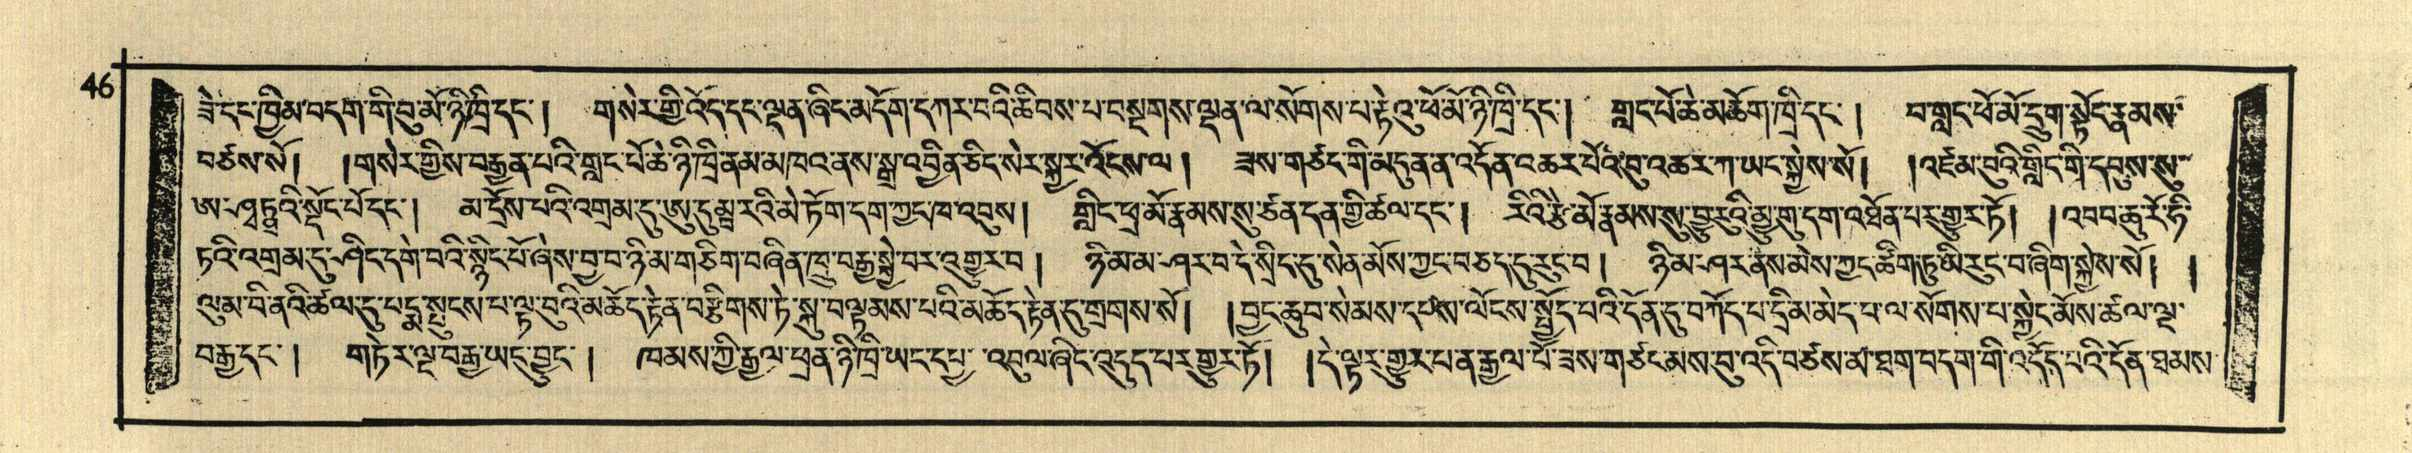ཟེ་དང་ཁྱིམ་བདག་གི་བུ་མོ་ཉི་ཁྲི་དང་། གསེར་གྱི་འོད་དང་ལྡན་ཞིང་མདོག་དཀར་བའི་ཆིབས་པ་བསྔགས་ལྡན་ལ་སོགས་པ་རྟེའུ་ཕོ་མོ་ཉི་ཁྲི་དང་། གླང་པོ་ཆེ་མཆོག་ཁྲི་དང་། བ་གླང་ཕོ་མོ་དྲུག་སྟོང་རྣམས་
བཙས་སོ། །གསེར་གྱིས་བརྒྱན་པའི་གླང་པོ་ཆེ་ཉི་ཁྲི་ནམ་མཁའ་ནས་སྒྲ་འབྱིན་ཅིང་སེར་སྐྱར་འོངས་ལ། ཟས་གཙང་གི་མདུན་ན་འདོན་འཆར་པོའི་བུ་འཆར་ཀ་ཡང་སྐྱེས་སོ། །འཛམ་བུའི་གླིང་གི་དབུས་སུ་
ཨ་ཤྭཏྠའི་སྡོང་པོ་དང་། མ་དྲོས་པའི་འགྲམ་དུ་ཨུ་དུམ་བ་རའི་མེ་ཏོག་དག་ཀྱང་ཁ་འབུས། གླིང་ཕྲ་མོ་རྣམས་སུ་ཙན་དང་གྱི་ཚལ་དང་། རིའི་རྩེ་མོ་རྣམས་སུ་བྱུ་རུའི་མྱུ་གུ་དག་འཐོན་པར་གྱུར་ཏོ། །འབབ་ཆུ་རོ་ཧི་
ཏའི་འགྲམ་དུ་ཤིང་དགེ་བའི་སྙིང་པོ་ཞེས་བྱ་བ་ཉི་མ་གཅིག་བཞིན་ཁྲུ་བརྒྱ་སྐྱེ་བར་འགྱུར་བ། ཉི་མ་མ་ཤར་བ་དེ་སྲིང་དུ་སེན་མོས་ཀྱང་བཅད་དུ་རུང་བ། ཉི་མ་ཤར་ནས་མེས་ཀྱང་ཚིག་ཏུ་མི་རུང་བ་ཞིག་སྐྱེས་སོ། །
ལུམ་བི་ནའི་ཚལ་དུ་པདམ་སྤུངས་པ་ལྟ་བུའི་མཆོད་རྟེན་བརྩིགས་ཏེ་སྐུ་བལྟམས་པའི་མཆོད་རྟེན་དུ་གྲགས་སོ། །བྱང་ཆུབ་སེམས་དཔས་ལོངས་སྤྱོད་པའི་དོན་དུ་བཀོད་པ་དྲི་མ་མེད་པ་ལ་སོགས་པ་སྐྱེད་མོས་ཚལ་ལྔ་
བརྒྱ་དང་། གཏེར་ལྔ་བརྒྱ་ཡང་བྱུང་། ཁམས་ཀྱི་རྒྱལ་ཕྲན་ཉི་ཁྲི་ཡང་དཔྱད་འབུལ་ཞིང་འདུད་པར་གྱུར་ཏོ། །དེ་ལྟར་གྱུར་པ་ན་རྒྱལ་པོ་ཟས་གཙང་མས་བུ་འདི་བཙས་མ་ཐག་བདག་གི་འདོད་པའི་དོན་ཐམས་